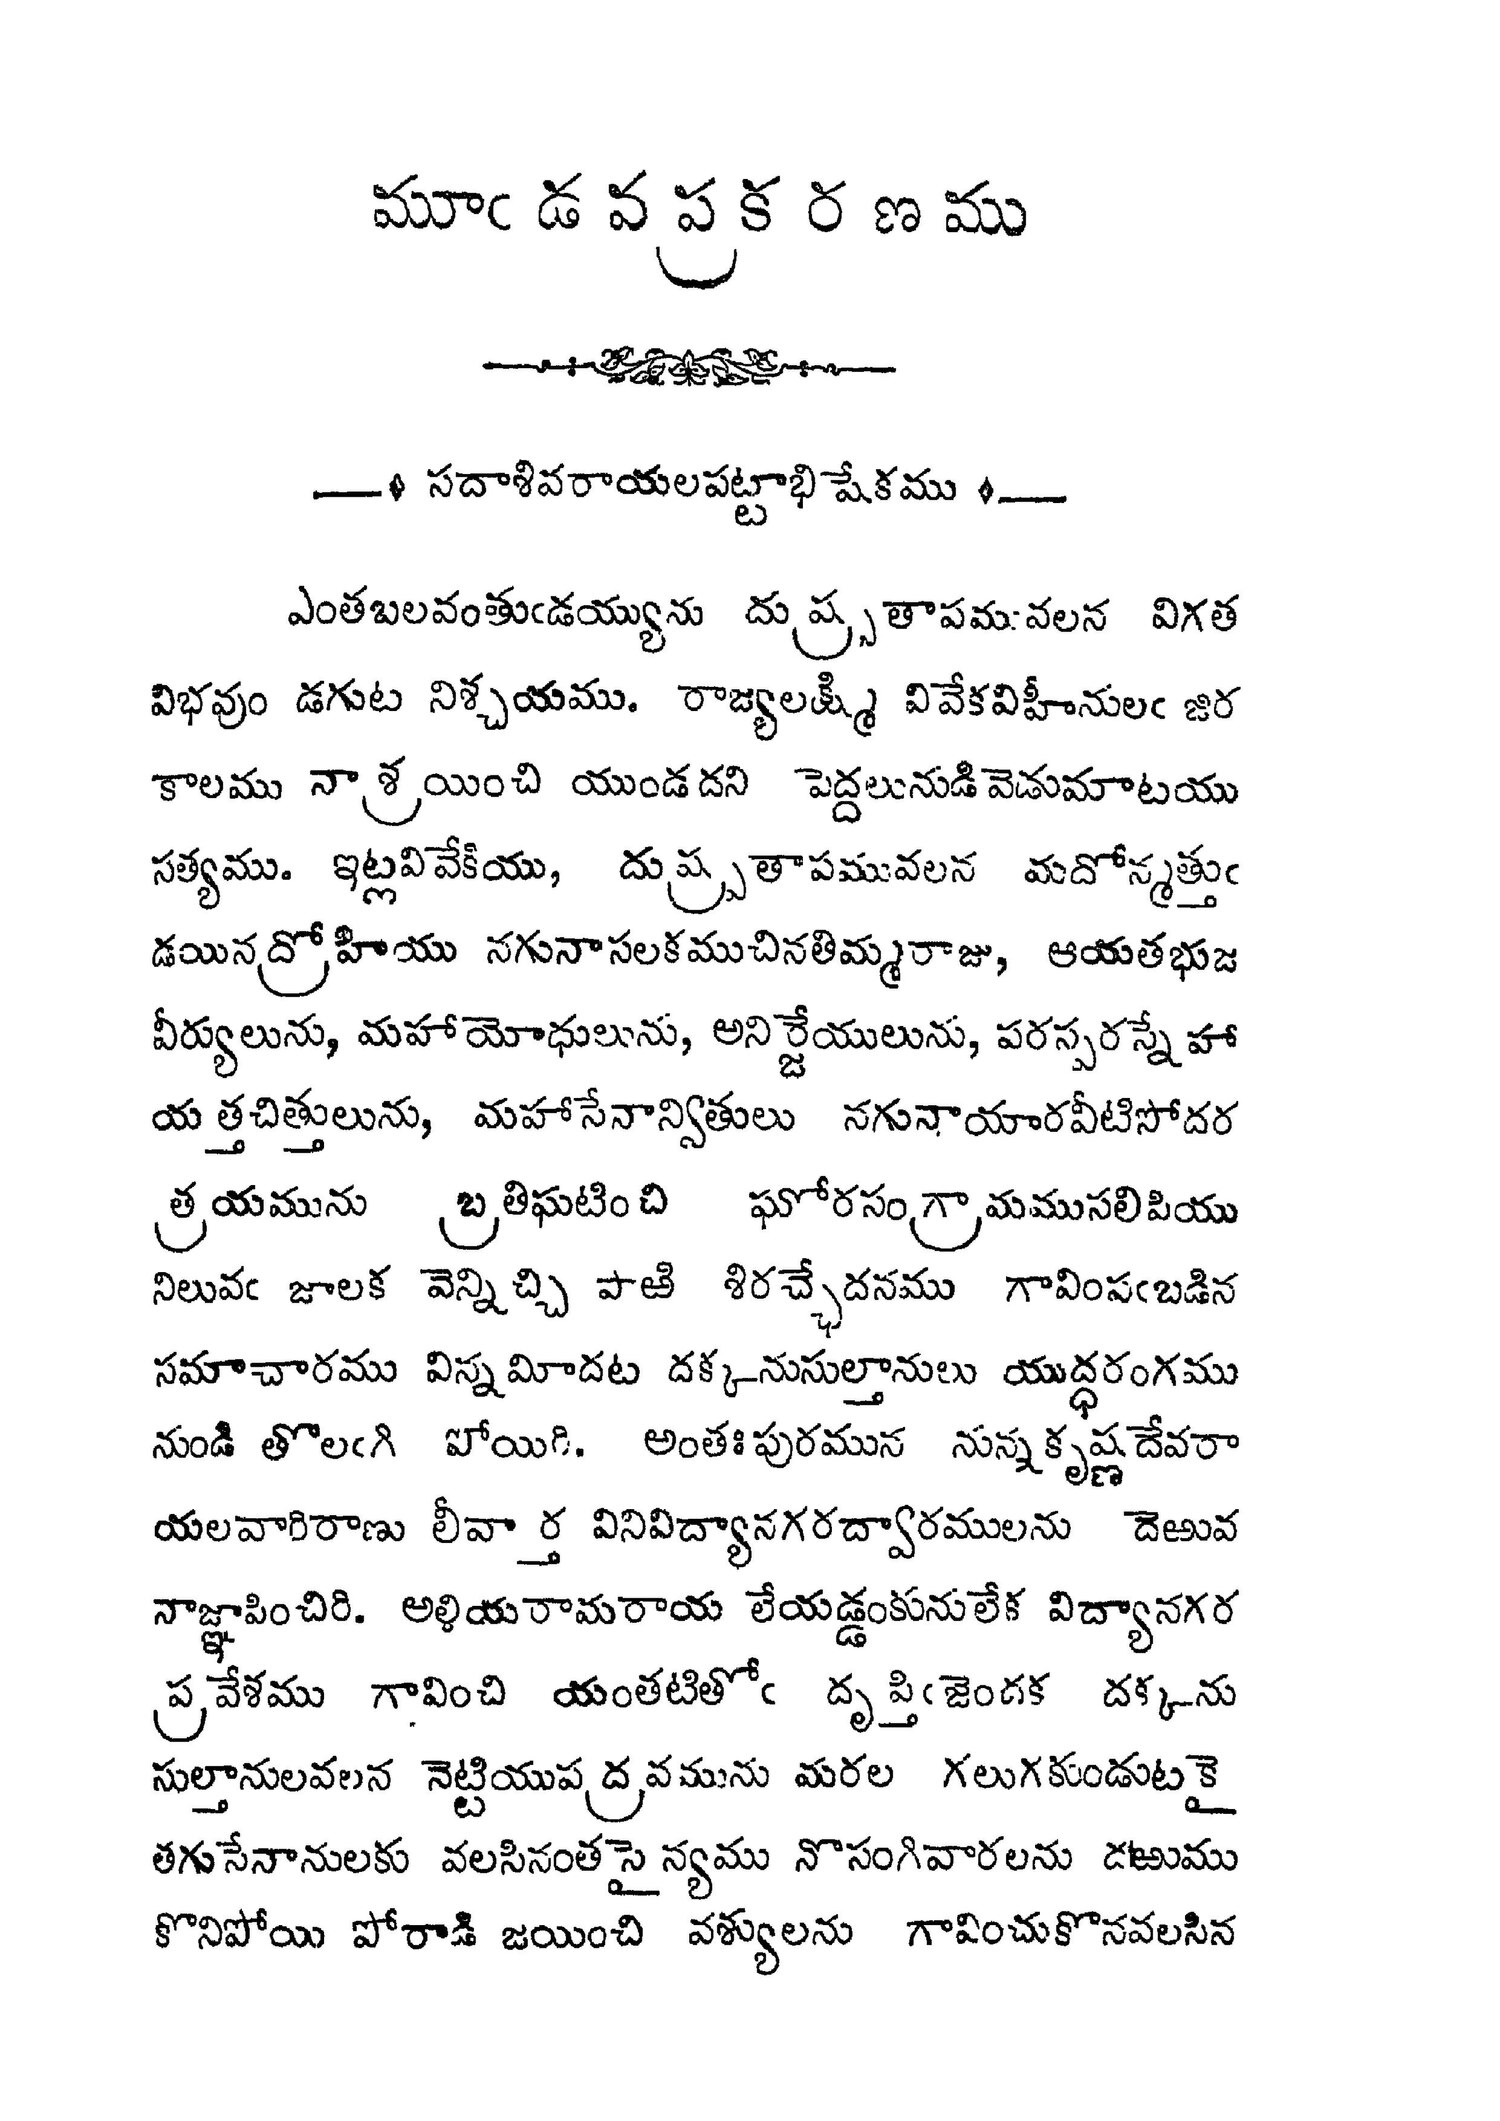ఎంతబలవంతుడయ్యును దుష్ర్పతాపమువలన విగత విభవుం డగుట నిశ్చయము. రాజ్యలక్ష్మి వివేకవిహీనుల జిరకాలము నాశ్రయించి యుండదని పెద్దలునుడివెడుమాటయు సత్యము. ఇట్లవివేకియు, దుష్ర్పతాపమువలన మదోన్మత్తుడయినద్రోహియు నగునాసలకముచినతిమ్మరాజు, ఆయతభుజవీర్యులును, మహాయోధులును, అనిర్జేయులును, పరస్పరస్నేహాయత్తచిత్తులును, మహాసేనాన్వితులు నగునాయారవీటిసోదర త్రయమును బ్రతిఘటించి ఘోరసంగ్రామముసలిపియు నిలువ జాలక వెన్నిచ్చి పాఱి శిరచ్ఛేదనము గావింపబడిన సమాచారము విన్నమీదట దక్కనుసుల్తానులు యుద్ధరంగము నుండి తొలగి పోయిరి. అంత:పురమున నున్నకృష్ణదేవరాయలవారిరాణు లీవార్త వినివిద్యానగరద్వారములను దెఱువ నాజ్ఞాపించిరి. అళియరామరాయ లేయడ్డంకునులేక విద్యానగర ప్రవేశము గావించి యంతటితో దృప్తిజెందక దక్కను సుల్తానులవలన నెట్టియుపద్రవమును మరల గలుగకుండుటకై తగుసేనానులకు వలసినంతసైన్యము నొసంగివారలను దఱుముకొనిపోయి పోరాడి జయించి వశ్యులను గావించుకొనవలసిన